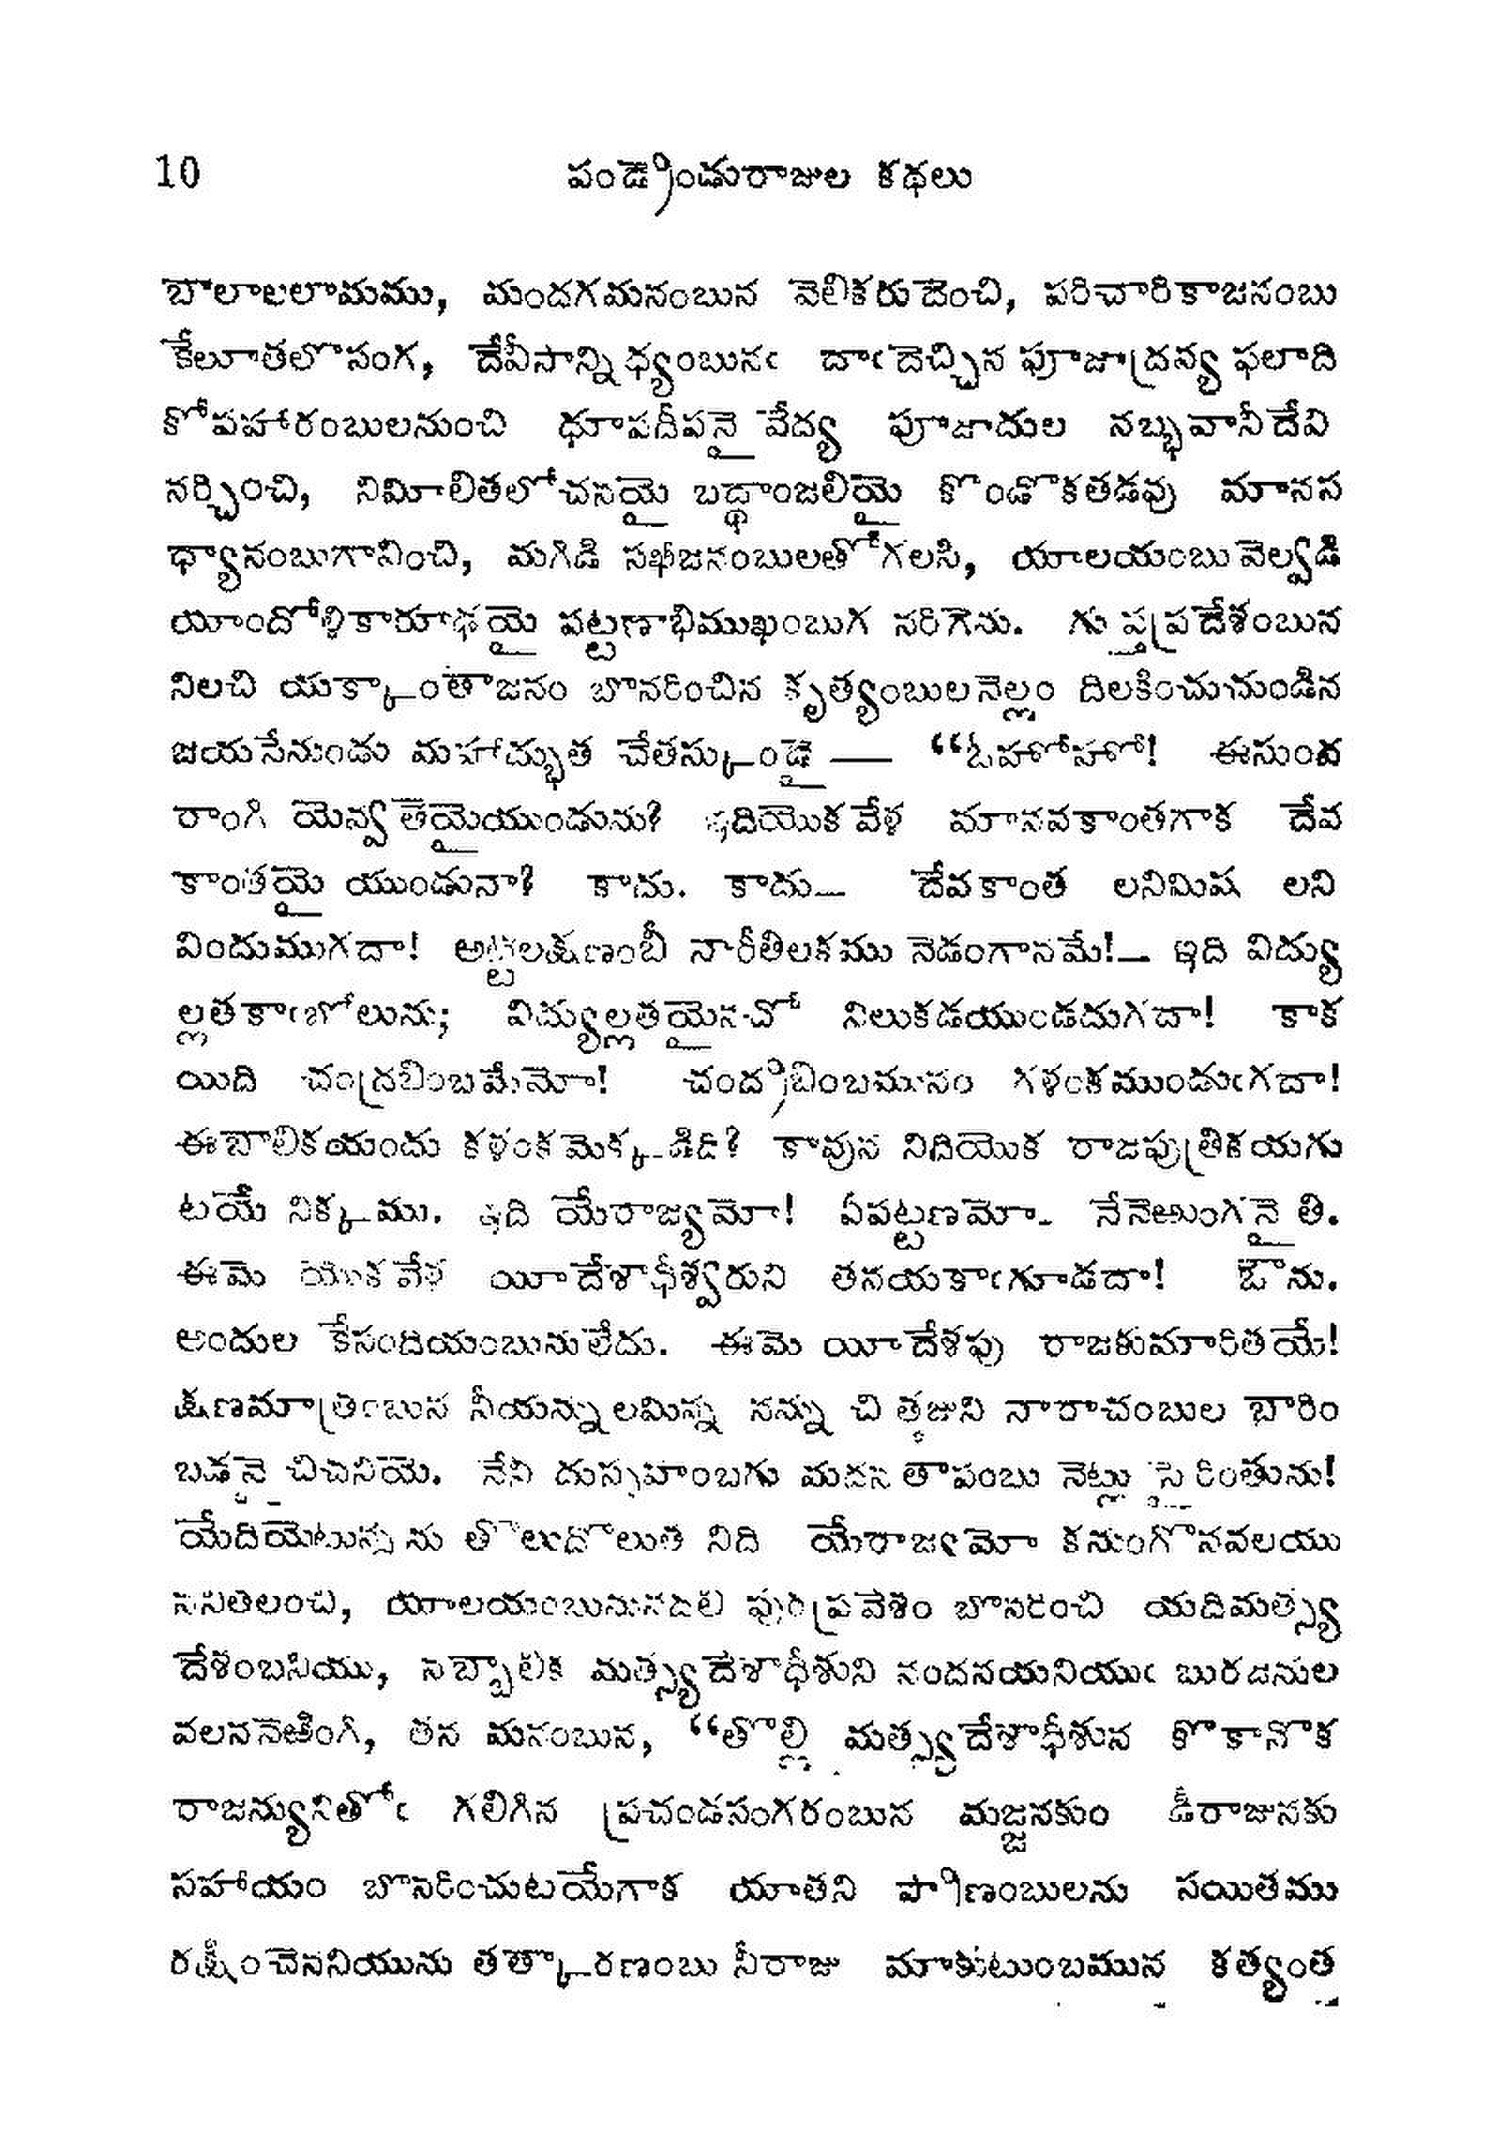బాలాలలామము, మందగమనంబున వెలికరుదెంచి, పరిచారికాజనంబు కేలూతలొసంగ, దేవీసాన్నిధ్యంబునఁ దాఁదెచ్చిన పూజాద్రవ్య ఫలాది కోపహారంబులనుంచి ధూపదీపనైవేద్య పూజాదుల నబ్భవానీదేవి నర్చించి, నిమీలితలోచనియై బద్ధాంజలియై కొండొకతడవు మానస
ధ్యానంబుగావించి, మగిడి సఖీజనంబులతో గలసి, యలయంబు వెల్వడి యాందోళికారూఢయై పట్టణాభిముఖంబుగ నరిగెను. గుప్తప్రదేశంబున నిలచి యక్కాంతాజనం బొనరించిన కృత్యంబుల నెల్లం దిలకించుచుండిన జయసేనుండు మహాద్బుత చేతస్కుండై ——
"ఓహోహో! ఈసుందరాంగి యెవ్వతెయైయుండును? ఇదియొక వేళ మానవకాంతగాక దేవకాంతయై యుండునా? కాదు. కాదు —— దేవకాంత లనిమిష లని విందుము గదా! అట్టి లక్షణంబీ నారీతిలకము నెడంగానమే! —— ఇది విద్యుల్లతకాఁబోలును; విద్యుల్లతయైనచో నిలుకడయుండదుగదా! కాకయిది చంద్రబింబమేమో! చంద్రబింబమునం గళంకముండుఁగదా! ఈ బాలిక యందు కళంక మెక్కడిది? కావున నిదియొక రాజపుత్రికయగుటయే నిక్కము. ఇది యేరాజ్యమో! ఏపట్టణమో నేనెఱుంగినైతి. ఈమె యొకవేళ యీ దేశాధీశ్వరుని తనయకాఁగూడదా! ఔను, అందుల కేసందియంబును లేదు. ఈమె యీ దేశపు రాజకుమారితయే! క్షణమాత్రంబున నీయన్నులమిన్న నన్ను చిత్తజుని నారాచంబుల భారింబడవైచిచనియె. నేనీ దుస్సహంబగు మదన తాపంబు నెట్లు సైరింతును! యేదియెటున్నను తోలుదోలుత నిది యేరాజ్యమో కనుంగొనవలయు ననితలంచి, యాలయంబును వదిలి పురప్రవేశం బొనరించి యదిమత్స్య దేశంబనియు, నబ్బాలికి మత్స్య దేశాధీశుని నందనయనియుఁ బురజనుల వలన నెఱింగి, తన మనంబున, "తొల్లి మత్స్య దేశాధీశున కొకానొక
రాజన్యునితోఁ గలిగిన ప్రచండ సంగరంబున మజ్జనకుండీరాజునకు సహాయం బొనరించుటయేగాక యాతని ప్రాణంబులను సయితము
రక్షించెననియును తత్కారణంబు నీరాజు మాకుటుంబమున కత్యంత